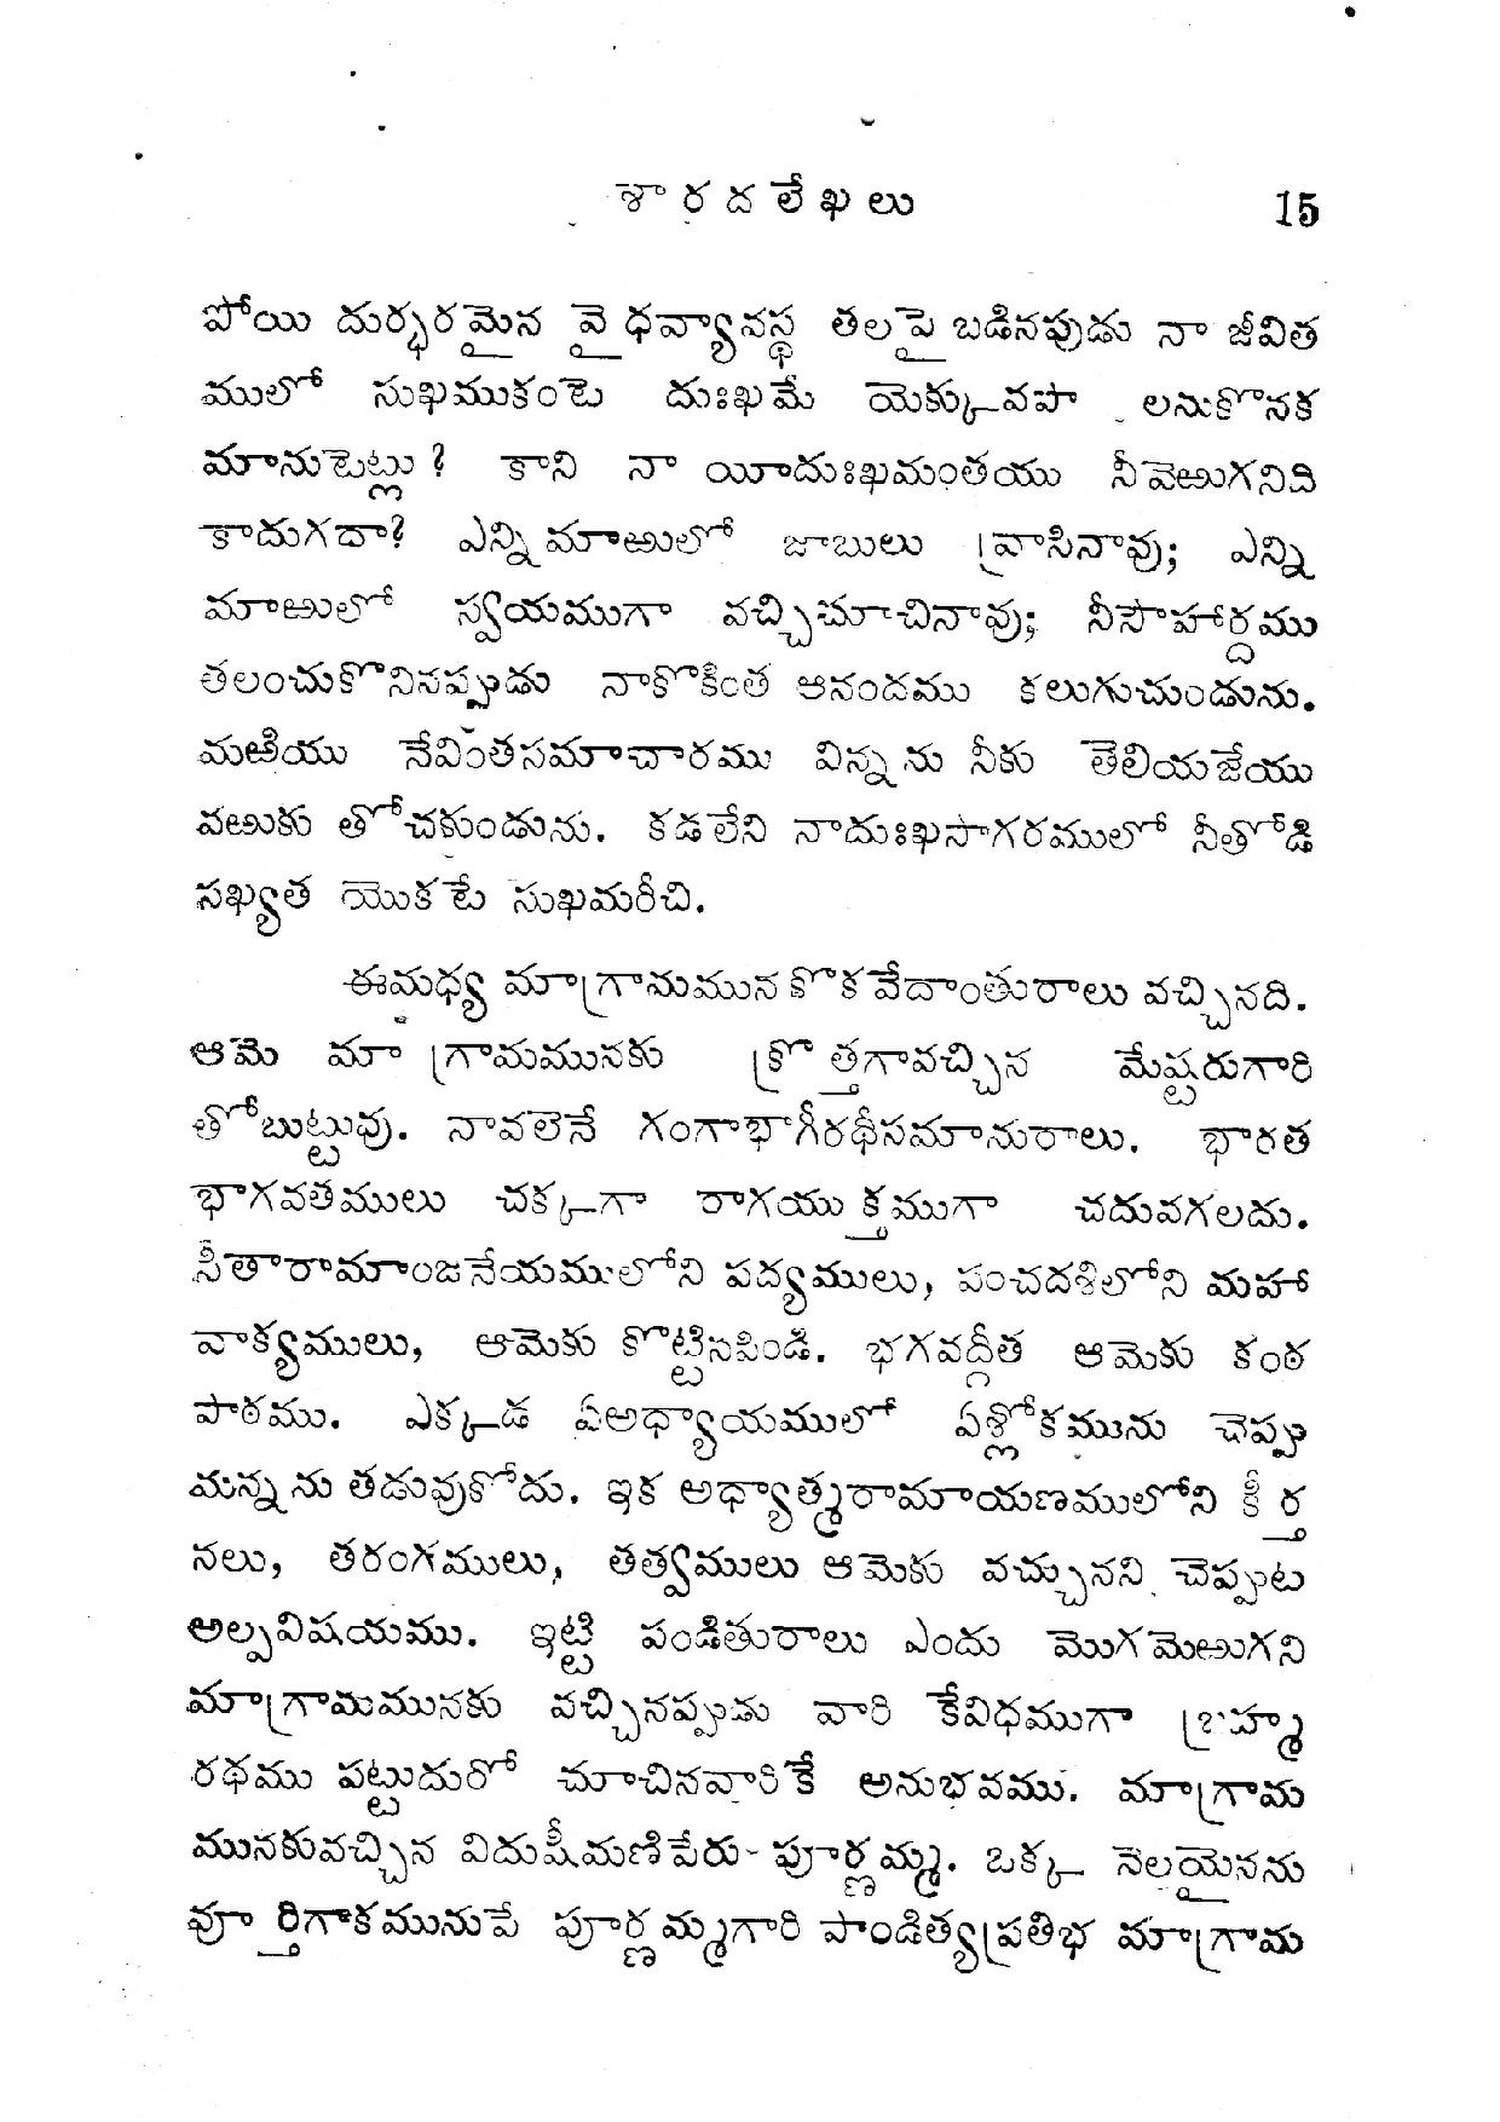పోయి దుర్భరమైన వైధవ్యావస్థ తలపై బడినపుడు నా జీవిత
ములో సుఖముకంటె దుఃఖమే యెక్కువపా లనుకొనక
మానుటెట్లు? కాని నా యీదుఃఖమంతయు నీవెఱుగనిది
కాదుగదా? ఎన్ని మాఱులో జాబులు వ్రాసినావు; ఎన్ని
మాఱులో స్వయముగా నచ్చిచూచినావు; నీసౌహార్దము
తలంచుకొనినప్పుడు నాకొకింత ఆనందము కలుగుచుండును.
మఱియు నేవింత సమాచారము విన్నను నీకు తెలియజేయు
వఱుకు తోచకుండును. కడలేని నాదుఃఖసాగరములో నీతోడి
సఖ్యత యొకటే సుఖమరీచి.

ఈమధ్య మాగ్రామమునకొకవేదాంతురాలు వచ్చినది.
ఆమె మా గ్రామమునకు క్రొత్తగావచ్చిన మేష్టరుగారి
తోబుట్టువు. నావలెనే గంగాభాగీరథీసమానురాలు. భారత
భాగవతములు చక్కగా రాగయుక్తముగా చదువగలదు.
సీతారామాంజనేయములోని పద్యములు, పంచదశిలోని మహా
వాక్యములు, ఆమెకు కొట్టిసిపిండి. భగవద్గీత ఆమెకు కంఠ
పాఠము. ఎక్కడ ఏఅధ్యాయములో ఏశ్లోకమును చెప్పు
మన్నను తడువుకోదు. ఇక అధ్యాత్మరామాయణములోని కీర్త
నలు, తరంగములు, తత్వములు ఆమెకు వచ్చునని చెప్పుట
అల్పవిషయము. ఇట్టి పండితురాలు ఎందు మొగమెఱుగని
మాగ్రామమునకు వచ్చినప్పుడు వారి కేవిధముగా బ్రహ్మ
రథము పట్టుదురో చూచినవారికే అనుభవము. మాగ్రామ
మునకువచ్చిన విదుషీమణిపేరు పూర్ణమ్మ. ఒక్క నెలయైనను
పూర్తిగాకమునుపే పూర్ణమ్మగారి పాండిత్యప్రతిభ మాగ్రామ